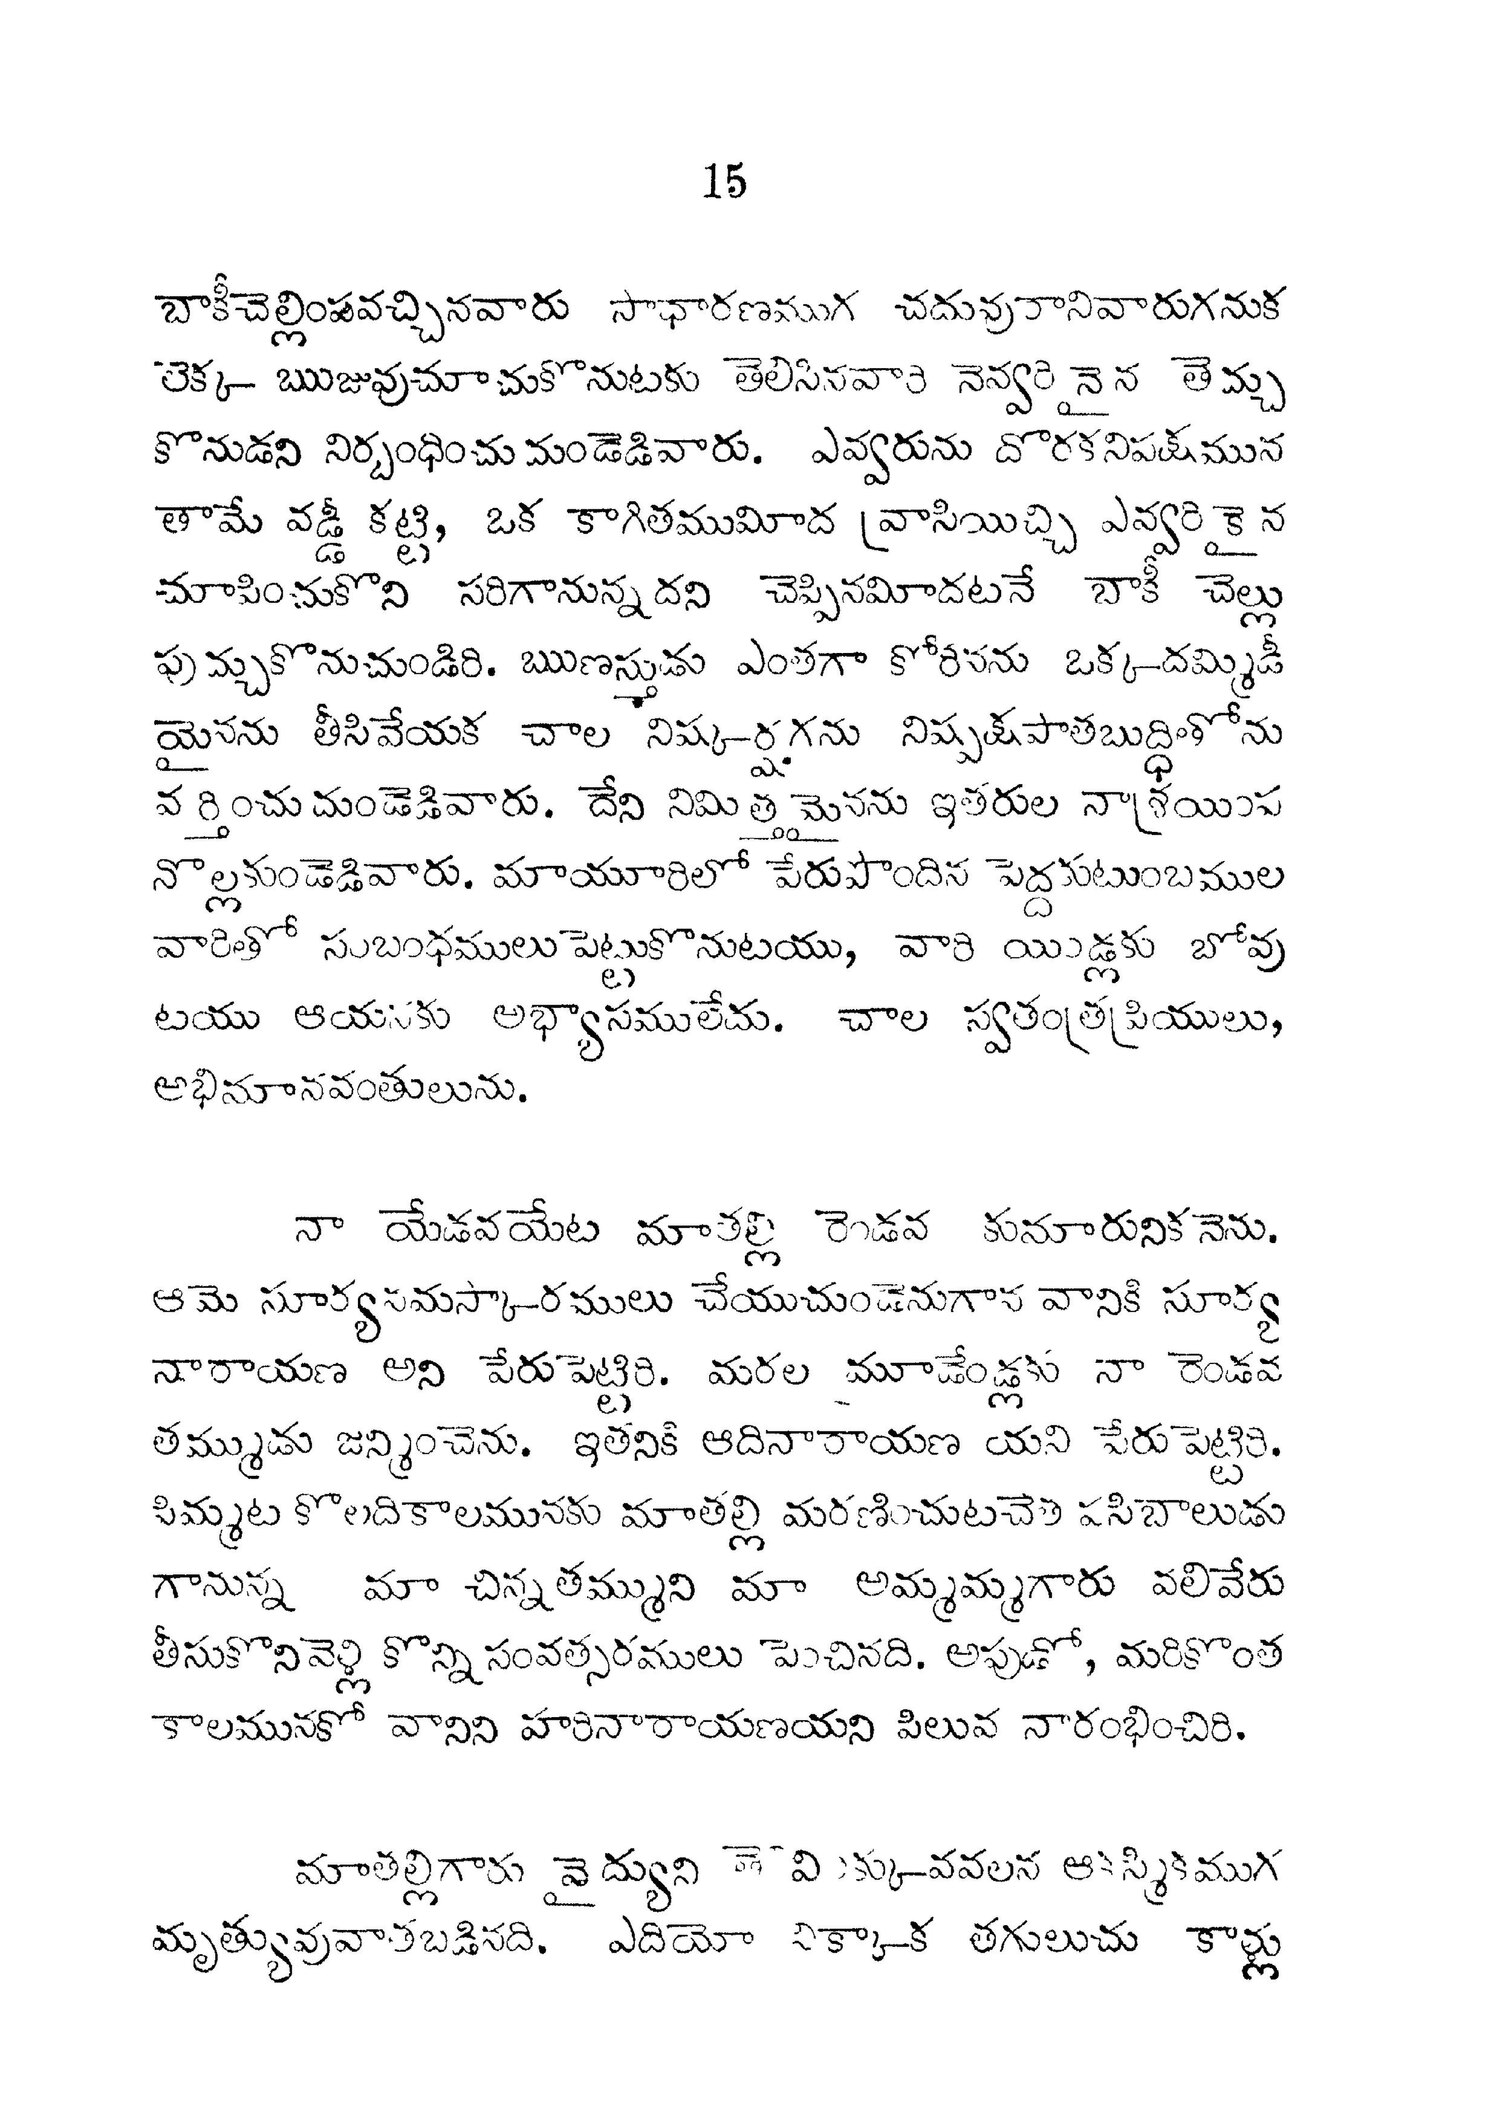బాకీచెల్లింపవచ్చినవారు సాధారణముగ చదువురానివారుగనుక లెక్క ఋజువుచూచుకొనుటకు తెలిసినవారి నెవ్వరినైన తెచ్చుకొనుడని నిర్బంధించుచుండెడివారు. ఎవ్వరును దొరకనిపక్షమున తామే వడ్డీ కట్టి, ఒక కాగితముమీద వ్రాసియిచ్చి ఎవ్వరికైన చూపించుకొని సరిగానున్నదని చెప్పినమీదటనే బాకీ చెల్లు పుచ్చుకొనుచుండిరి. ఋణస్తుడు ఎంతగా కోరినను ఒక్కదమ్మిడీయైనను తీసివేయక చాల నిష్కర్షగను నిష్పక్షపాతబుద్ధితోను వర్తించుచుండెడివారు. దేని నిమిత్తమైనను ఇతరుల నాశ్రయింప నొల్లకుండెడివారు. మాయూరిలో పేరుపొందిన పెద్దకుటుంబముల వారితో సంబంధములు పెట్టుకొనుటయు, వారి యిండ్లకు బోవుటయు ఆయనకు అభ్యాసములేదు. చాల స్వతంత్రప్రియులు, అభిమానవంతులును.

నా యేడవయేట మాతల్లి రెండవ కుమారునికనెను. ఆమె సూర్యనమస్కారములు చేయుచుండెనుగాన వానికి సూర్యనారాయణ అని పేరుపెట్టిరి. మరల మూడేండ్లకు నా రెండవ తమ్ముడు జన్మించెను. ఇతనికి ఆదినారాయణ యని పేరు పెట్టిరి. పిమ్మట కొలదికాలమునకు మాతల్లి మరణించుటచేత పసిబాలుడుగానున్న మా చిన్నతమ్ముని మా అమ్మమ్మగారు వలివేరు తీసుకొనివెళ్లి కొన్నిసంవత్సరములు పెంచినది. అపుడో, మరికొంత కాలమునకో వానిని హరినారాయణయని పిలువ నారంభించిరి.

మాతల్లిగారు వైద్యుని తెలివితక్కువవలన ఆకస్మికముగ మృత్యువువాతబడినది. ఎదియో నిక్కాక తగులుచు కాళ్లు